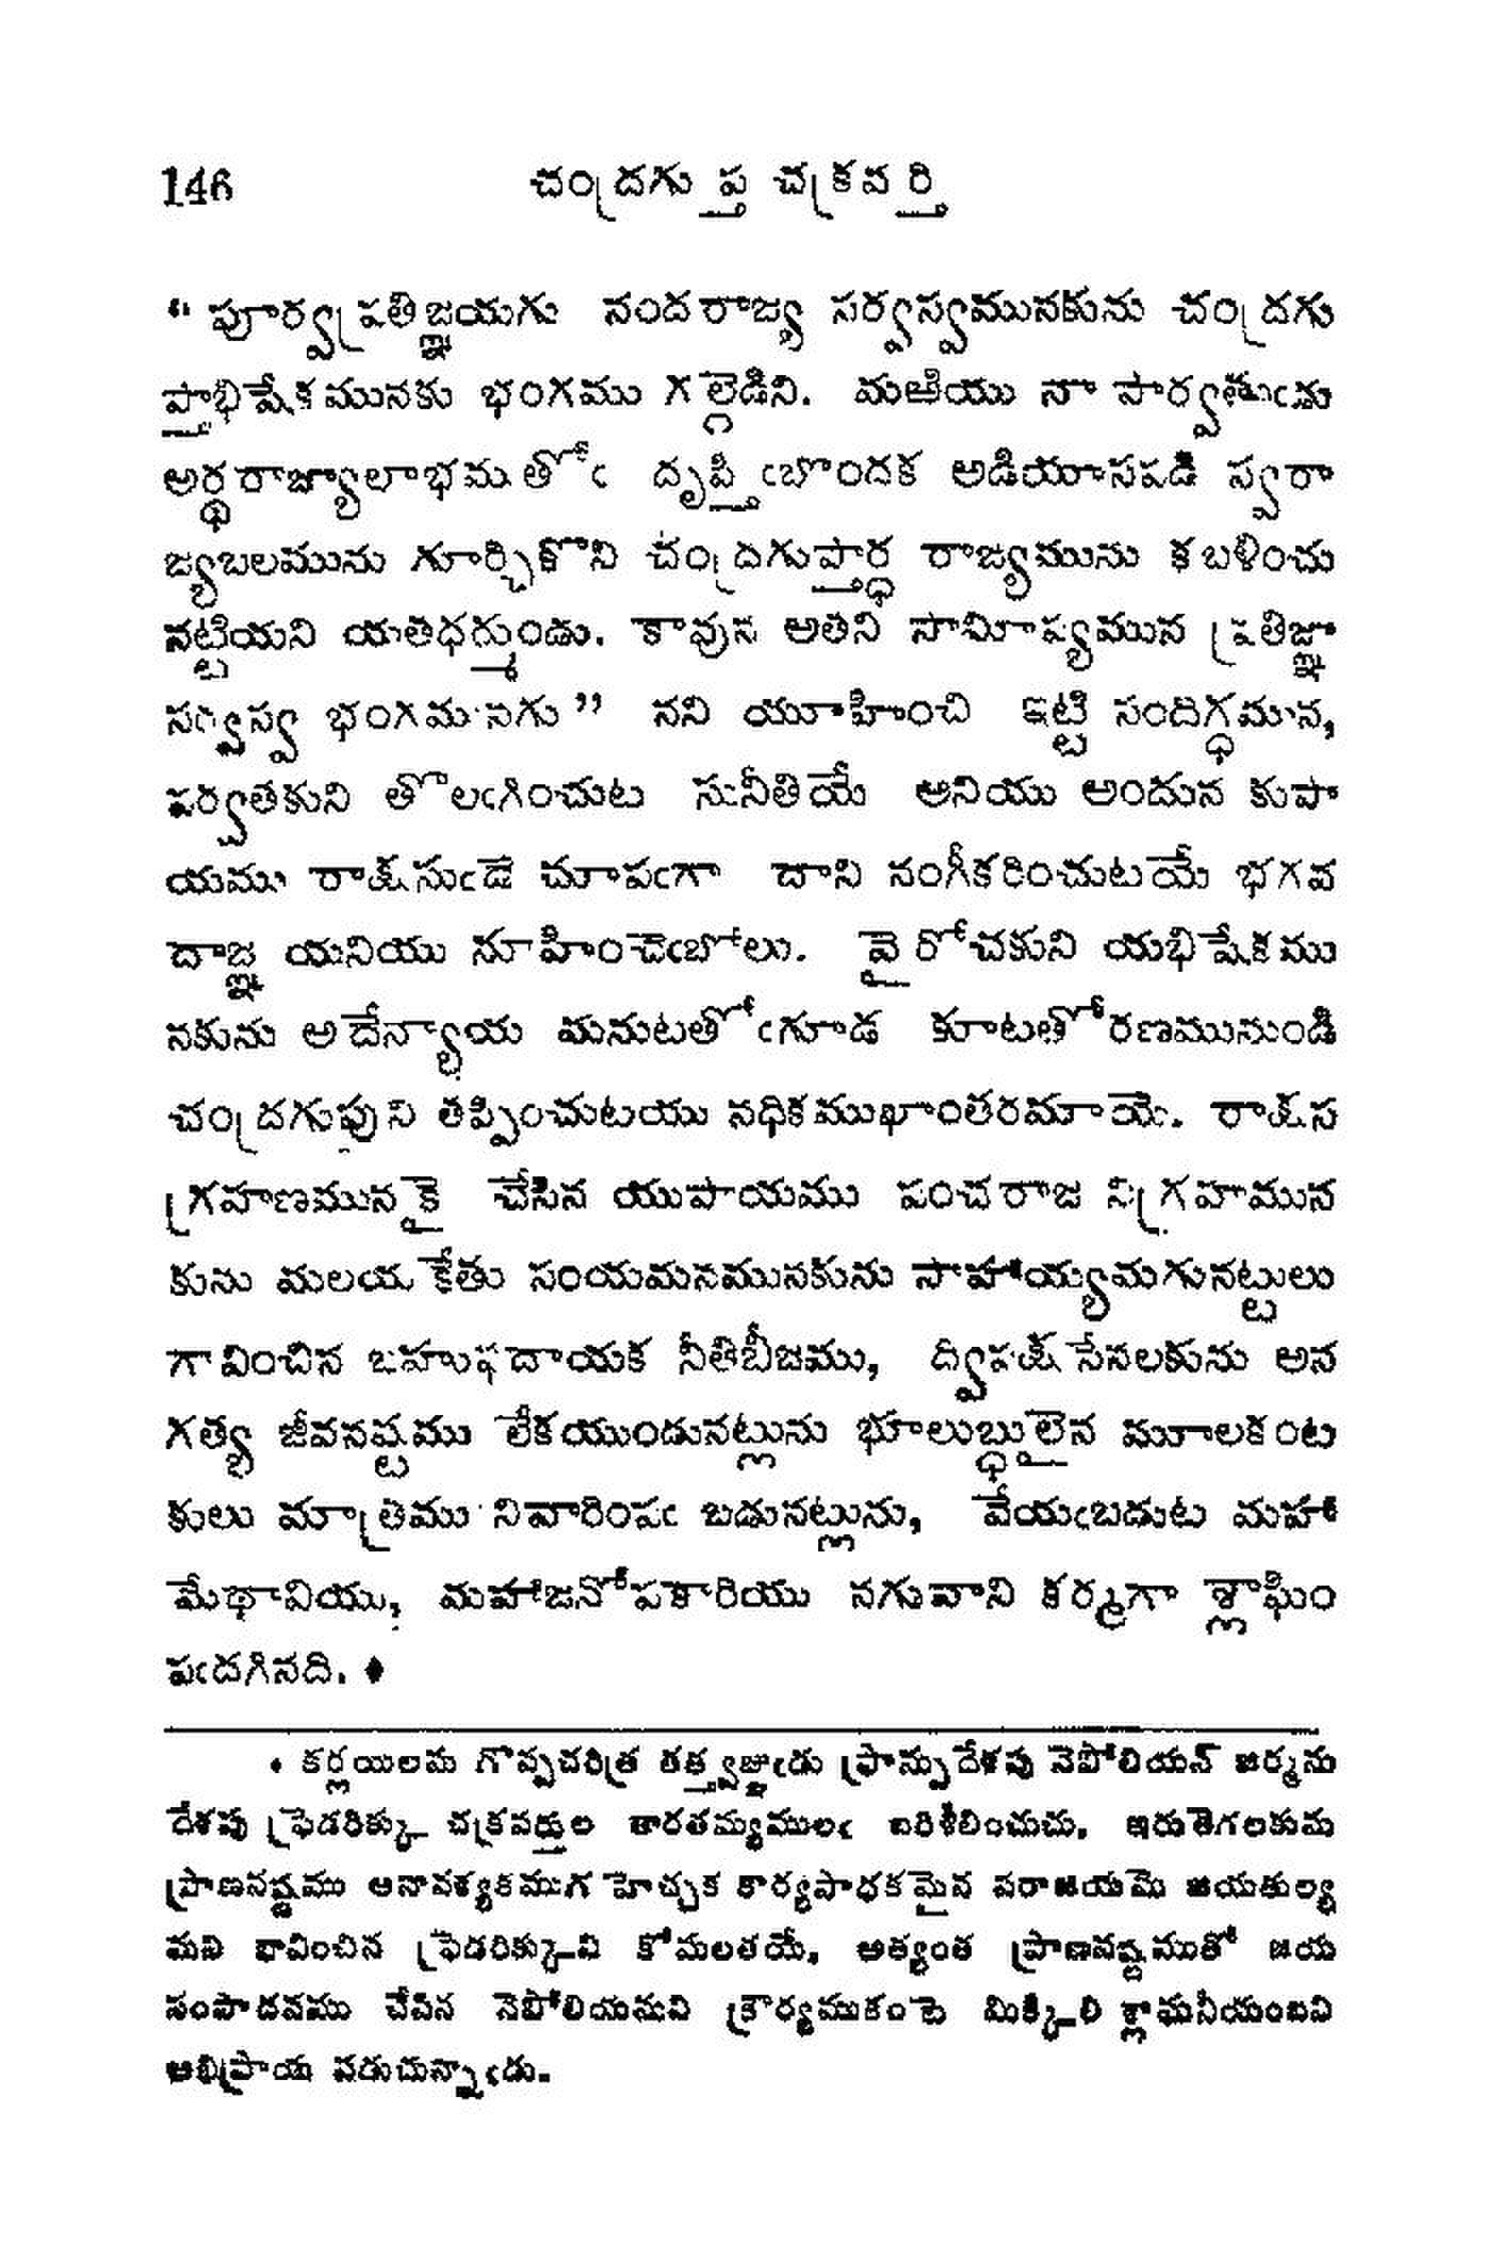"పూర్వ ప్రతిజ్ఞయగు నందరాజ్య సర్వస్వమునకును చంద్రగుప్తాభిషేకమునకు భంగము గల్గెడిని. మఱియు నా పార్వతుఁడు అర్ధరాజ్యాలాభముతో దృప్తిఁబొందక అడియాసపడి స్వరాజ్యబలమును గూర్చికొని చంద్రగుప్తార్ధ రాజ్యమును కబళించు నట్టియని యతధర్ముండు. కావున అతని సామీప్యమున ప్రతిజ్ఞా సర్వస్వ భంగమునగు" నని యూహించి ఇట్టి సందిగ్ధమున, పర్వతకుని తొలఁగించుట సునీతియే అనియు అందున కుపాయము, రాక్షసుఁడె చూపఁగా దాని నంగీకరించుటయే భగవదాజ్ఞ యనియు నూహించెఁబోలు. వైరోచకుని యభిషేకమునకును అదేన్యాయ మనుటతోఁగూడ కూటతోరణమునుండి చంద్రగుప్తుని తప్పించుటయు నధికముఖాంతరమాయే. రాక్షస గ్రహణమునకై చేసిన యుపాయము పంచరాజ నిగ్రహమునకును మలయ కేతు సంయమనమునకును సాహాయ్యమగునట్టులు గావించిన బహుఫదాయక నీతిబీజము, ద్విపక్ష సేసలకును అనగత్య జీవనష్టము లేక యుండునట్లును భూలుబ్ధులైన మూలకంటకులు మాత్రము నివారింపఁ బడునట్లును, వేయఁబడుట మహామేథావియు, మహాజనోపకారియు నగువాని కర్మగా శ్లాఘింపఁదగినది. ♦